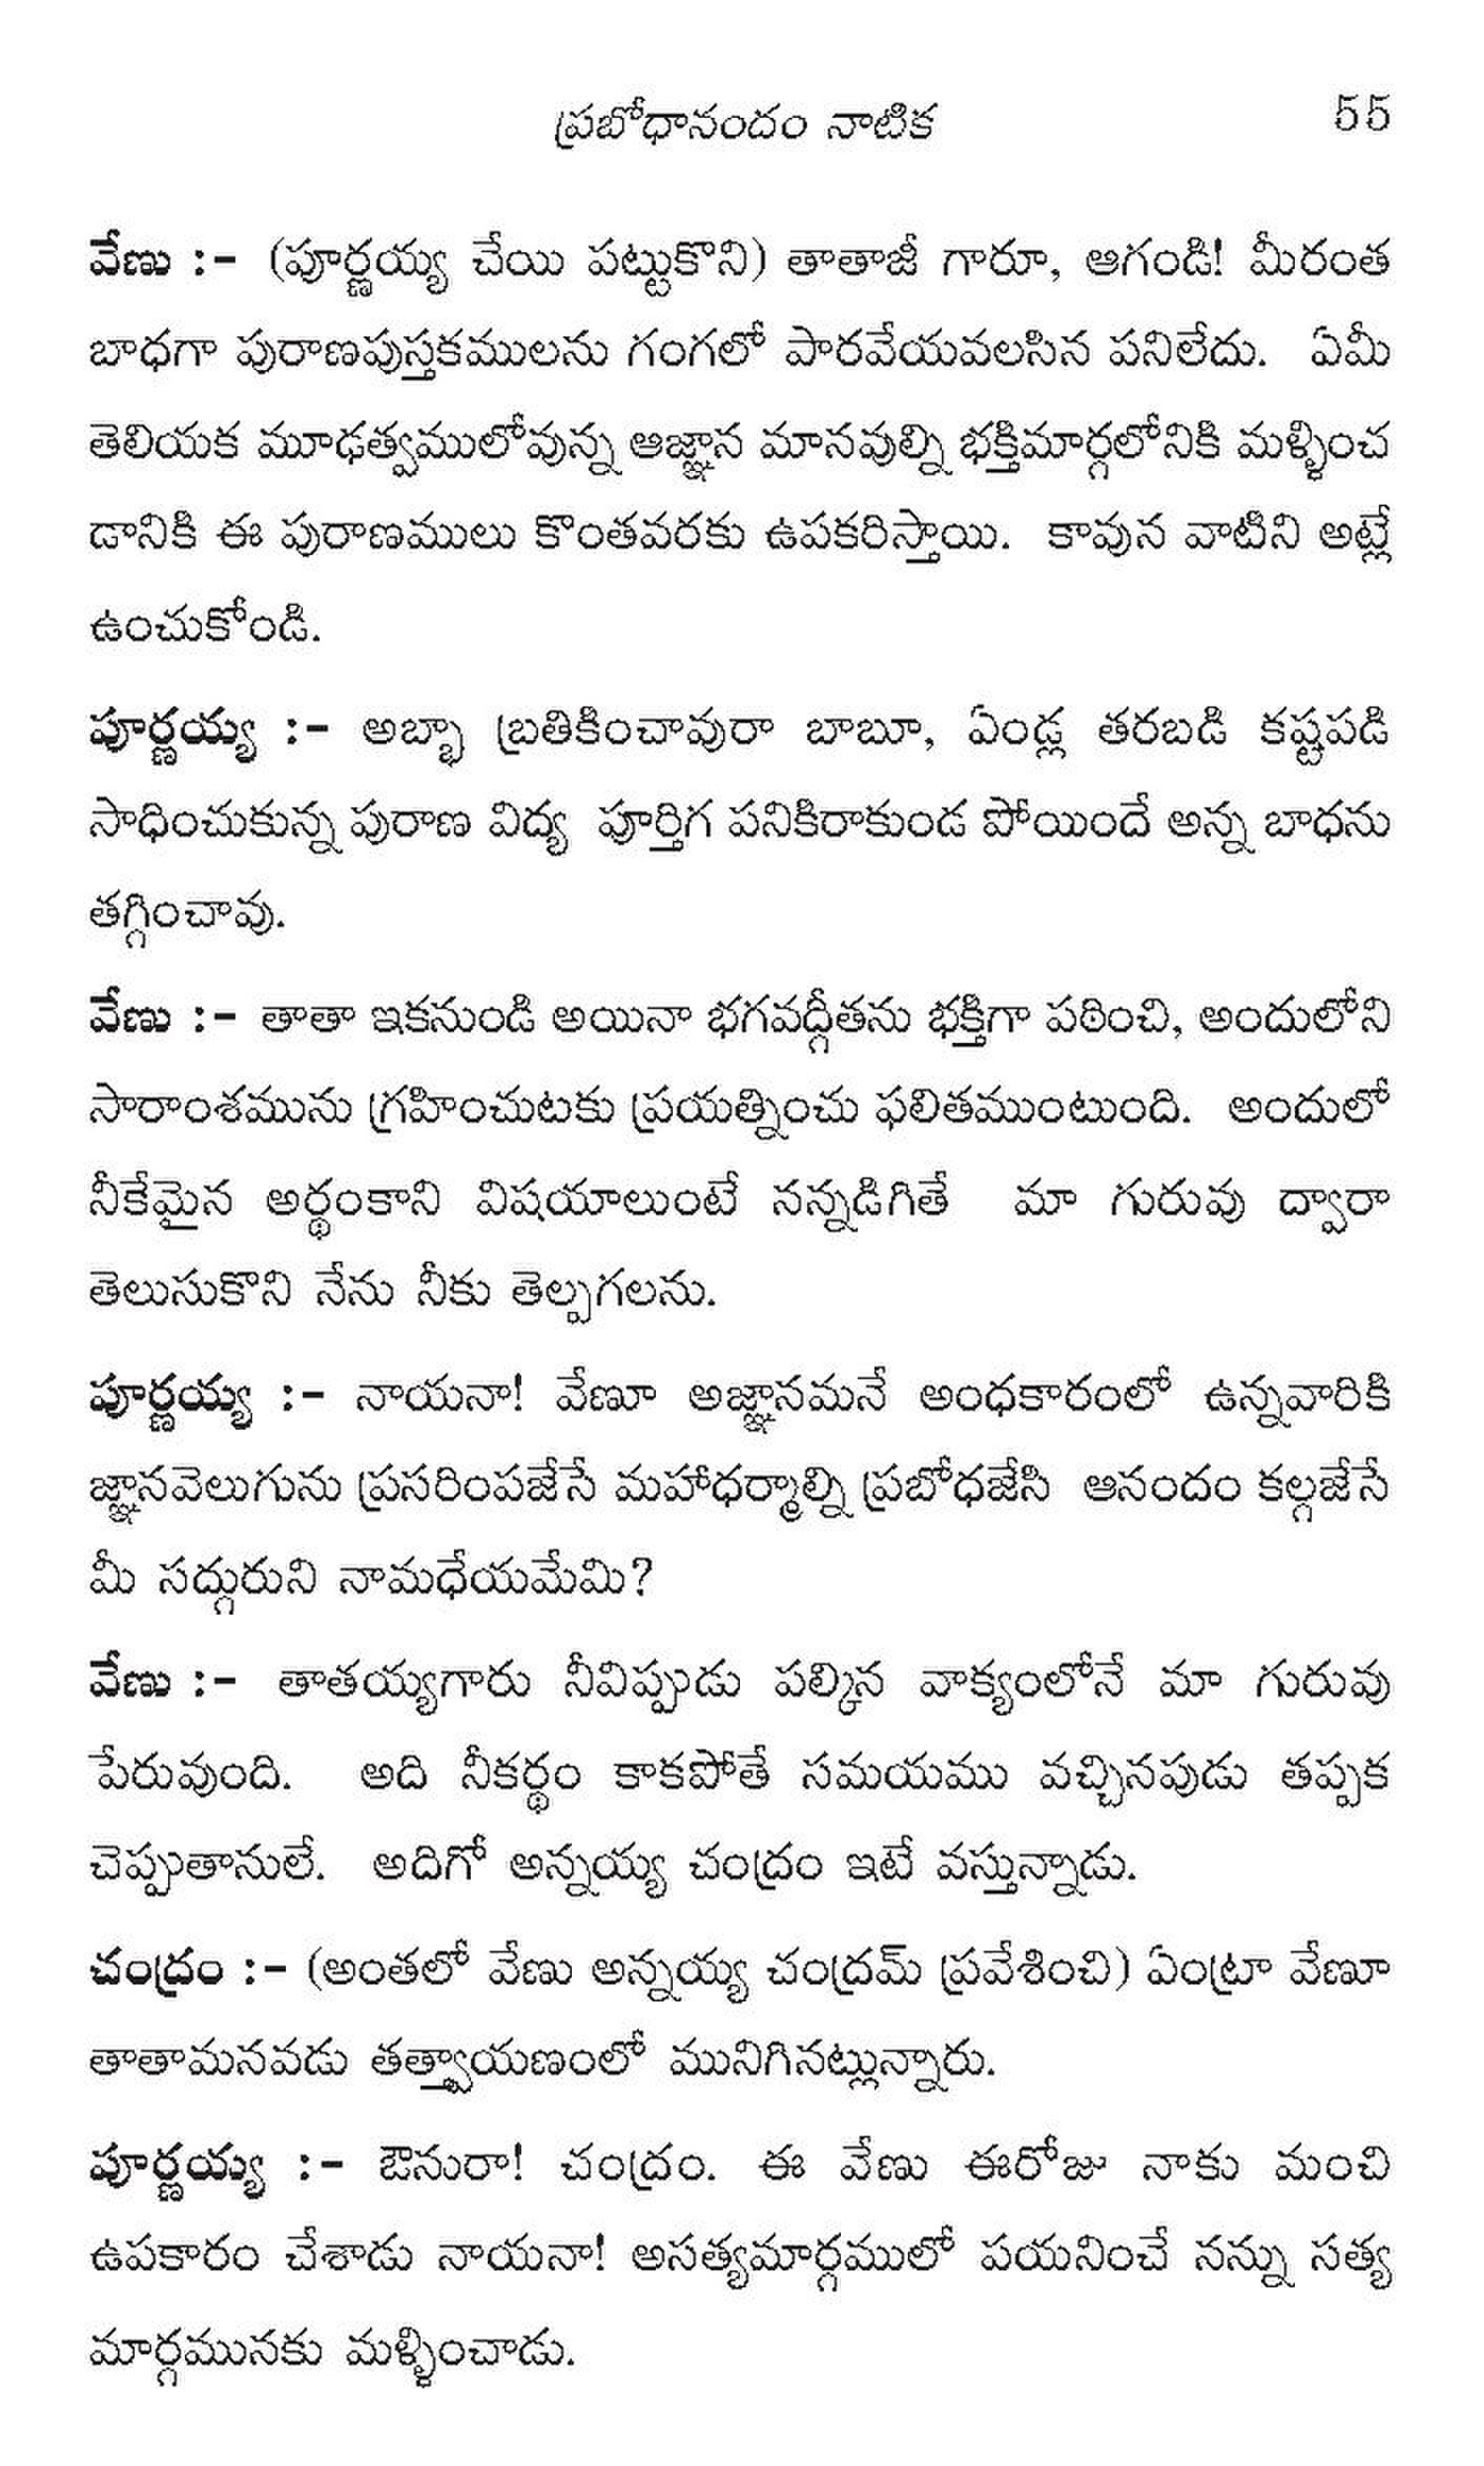వేణు :-	 (పూర్ణయ్య చేయి పట్టుకొని) తాతాజీ గారూ, ఆగండి! మీరంత బాధగా పురాణ పుస్తకములను గంగలో పారవేయవలసిన పనిలేదు. ఏమీ తెలియక మూఢత్వములోవున్న ఆజ్ఞాన మానవుల్ని భక్తిమార్గలోనికి మళ్ళించ డానికి ఈ పురాణములు కొంతవరకు ఉపకరిస్తాయి. కావున వాటిని అట్లే ఉంచుకోండి.

పూర్ణయ్య :- అబ్భా బ్రతికించావురా బాబూ, ఏండ్ల తరబడి కష్టపడి సాధించుకున్న పురాణ విద్య పూర్తిగ పనికిరాకుండ పోయిందే అన్న బాధను తగ్గించావు.

వేణు :-	 తాతా ఇకనుండి అయినా భగవద్గీతను భక్తిగా పఠించి, అందులోని సారాంశమును గ్రహించుటకు ప్రయత్నించు ఫలితముంటుంది. అందులో నీకేమైన అర్థంకాని విషయాలుంటే నన్నడిగితే మా గురువు ద్వారా తెలుసుకొని నేను నీకు తెల్పగలను.

పూర్ణయ్య :- నాయనా! వేణూ అజ్ఞానమనే అంధకారంలో ఉన్నవారికి జ్ఞానవెలుగును ప్రసరింపజేసే మహాధర్మాల్ని ప్రబోధజేసి ఆనందం కల్గజేసే మీ సద్గురుని నామధేయమేమి?

వేణు :- తాతయ్యగారు నీవిప్పుడు పల్కిన వాక్యంలోనే మా గురువు పేరువుంది. అది నీకర్థం కాకపోతే సమయము వచ్చినపుడు తప్పక చెప్పుతానులే. అదిగో అన్నయ్య చంద్రం ఇటే వస్తున్నాడు.

చంద్రం :- (అంతలో వేణు అన్నయ్య చంద్రమ్‌ ప్రవేశించి) ఏంట్రా వేణూ తాతామనవడు తత్త్వాయణంలో మునిగినట్లున్నారు.

పూర్ణయ్య :- ఔనురా! చంద్రం. ఈ వేణు ఈరోజు నాకు మంచి ఉపకారం చేశాడు నాయనా! అసత్యమార్గములో పయనించే నన్ను సత్య మార్గమునకు మళ్ళించాడు.